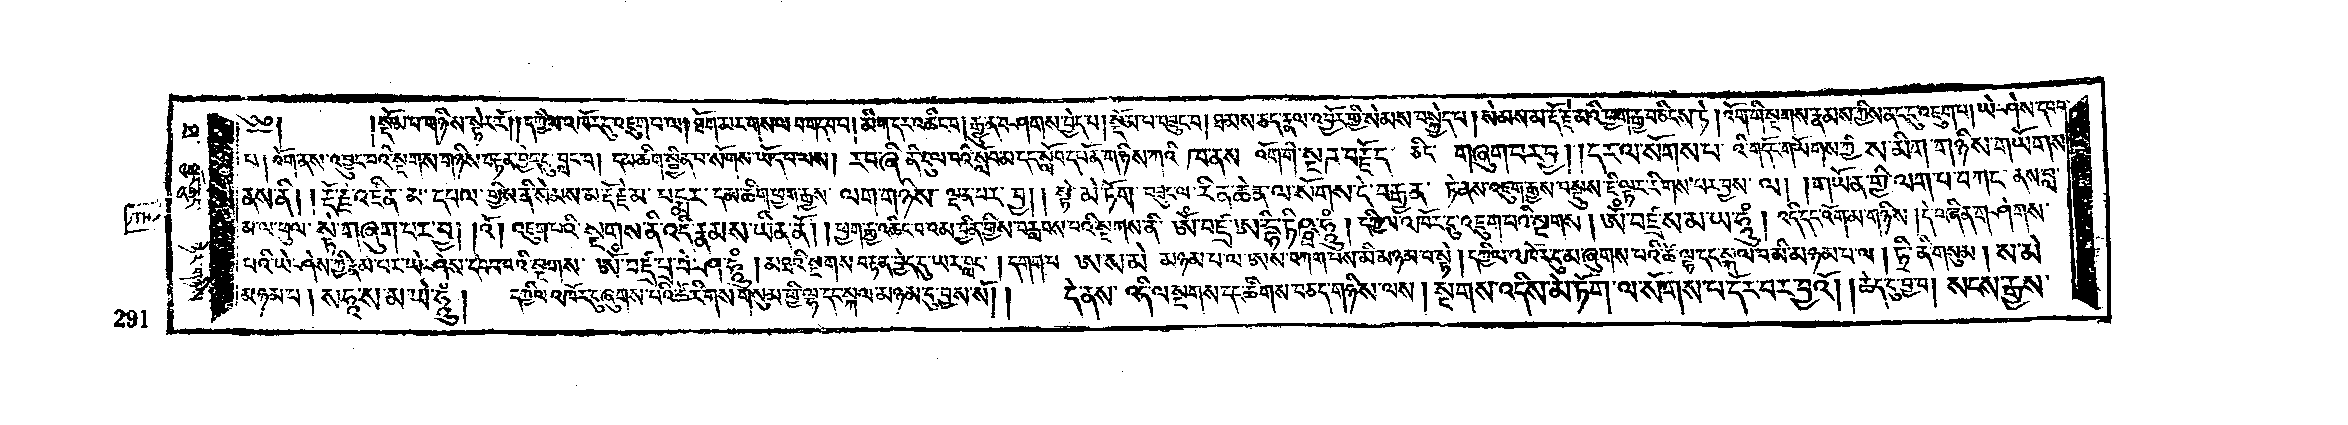༄༅། །སྡོམ་པ་གཉིས་སྟེར་རོ། །དཀྱིལ་འཁོར་དུ་འཇུག་པ་ལ། ཐོག་མར་གསལ་བ་གདབ་པ། མིག་དར་འཆིང་བ། རྒྱུན་བཤགས་བྱེད་པ། སྡོམ་པ་བཟུང་བ། ཐམས་ཅད་རྣལ་འབྱོར་གྱི་སེམས་བསྐྱེད་པ། སེམས་མ་རྡོ་རྗེ་མའི་ཕྱག་རྒྱ་བཅིངས་ཏེ། འོག་གི་སྔགས་རྣམས་ཀྱིས་ནང་དུ་འཇུག་པ། ཡེ་ཤེས་དབབ་
པ། འོག་ནས་འབྱུང་བའི་སྔགས་གཉིས་བརྟན་བྱེད་དུ་བླང་བ། དམ་ཚིག་སྦྱིན་པ་སོགས་ཡོད་པ་ལས། རབ་ཞི་ནི་དུལ་བའི་སློབ་མ་དང་སློབ་དཔོན་གཉིས་ཀའི་ཁ་ནས་འོག་གི་སྔགས་བརྗོད་ཅིང་གཞུག་པར་བྱ། །དར་ལ་སོགས་པའཨི་གདོང་གཡོགས་ཀྱིས་མིག་གཉིས་གཡོགས་
ནས་ནི། །རྡོ་རྗེ་འཛིན་མ་དཔལ་གྱིས་ནི་སེམས་མ་རྡོ་རྗེ་མ་པདམར་དམ་ཚིག་ཕྱག་རྒྱས་ལག་གཉིས་ལྡན་པར་བྱ། །སྟེ་མེ་ཏོག་བཟུང་ལ་རིན་ཆེན་ལ་སོགས་དེ་བརྒྱན་ཏེ་ཆས་འཇུག་རྒྱས་བསྡུས་ཇི་ལྟར་རིགས་པར་བྱས་ལ། །གཡོན་གྱི་ལག་པ་བཀང་ནས་བླ་
མ་ལ་ཕུལ་སྟེ་གཞུག་པར་བྱ། ། འོ། འཇུག་པའི་སྔགས་ནི་འདི་རྣམས་ཡིན་ནོ། །ཕྱག་རྒྱ་འཆིང་བའམ་བྱིན་གྱིས་བརླབས་པའི་སྔགས་ནི་ཨོཾ་བཛྲ་ཨ་དྷི་ཏིཥཊཿཨ་ཧཱུཾ། དཀྱིལ་འཁོར་དུ་འཇུག་པའི་སྔགས།  ཨོཾ་བཛྲ་ས་མ་ཡ་ཧཱུཾ། འདི་དང་འོག་མ་གཉིས། དེ་བཞིན་གཤེགས་
པའི་ཡེ་ཤེས་ཀྱི་རྣམ་པར་ཡེ་ཤེས་དབབ་པའི་སྔགས་ཨོཾ་བཛྲ་པྲ་བེ་ཤ་ཧཱུཾ། མཐའི་སྔགས་བརྟན་བྱེད་དུ་ཡར་བླང་། དགག་པ་ཨ་ས་མེ་མཉམ་པ་ལ་ཨས་བཀག་པས་མི་མཉམ་པ་སྟེ། དཀྱིལ་འཁོར་དུ་མ་ཞུགས་པའི་ཚེ་ལྷ་དང་སྐལ་བ་མི་མཉམ་པ་ལ།  ཏྲི་ནི་གསུམ།  ས་མེ་
མཉམ་པ། སྭཧཱ་ས་མ་ཡེ་ཧཱུཾ། དཀྱིལ་འཁོར་དུ་ཞུགས་པའི་ཚེ་རིགས་གསུམ་གྱི་ལྷ་དང་སྐལ་མཉམ་དུ་བྱས་སོ།  །དེ་ནས་འདི་ལ་སྔགས་དང་ཚིགས་བཅད་གཉིས་ལས།  སྔགས་འདིས་མེ་ཏོག་ལ་སོགས་པ་དོར་བར་བྱའོ། །ཆེད་དུ་བྱ་བ།  སངས་རྒྱས་